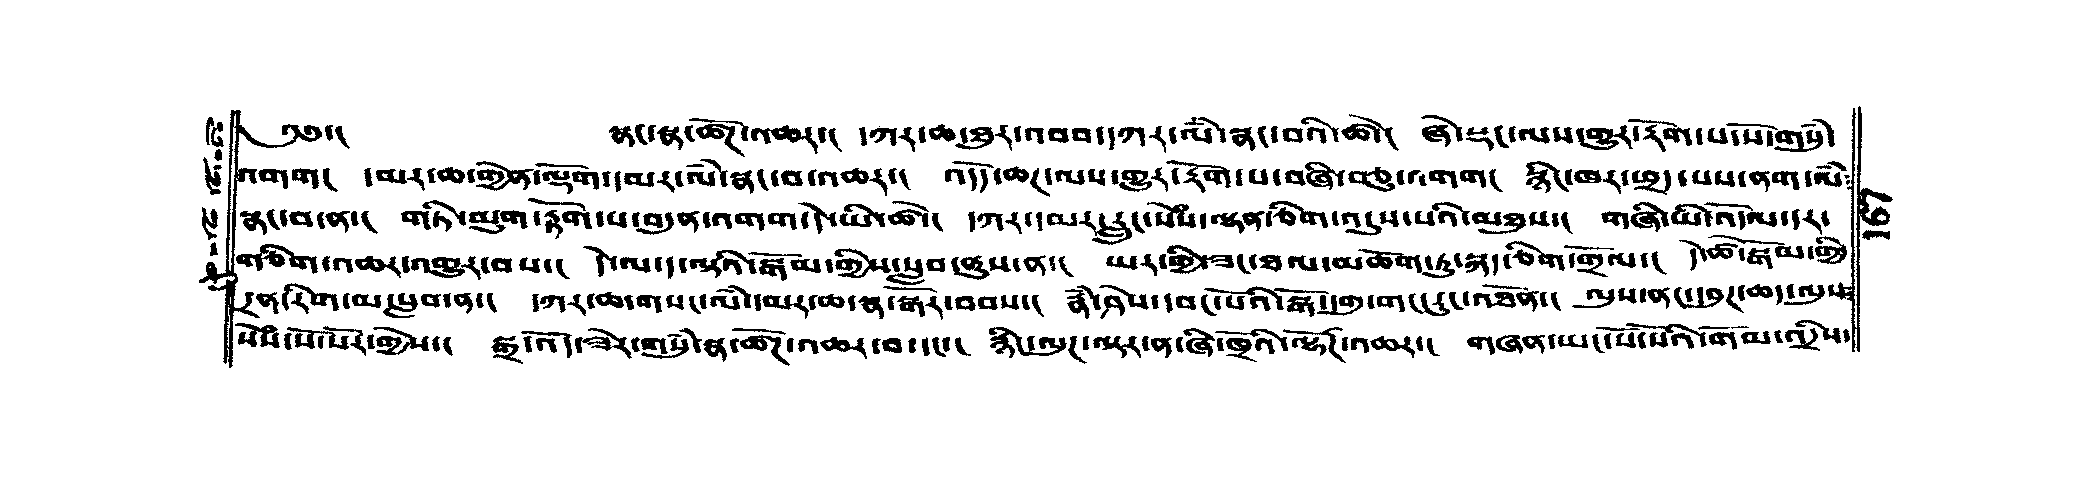སྣང་སྣ་ཚོགས་འཆར། །དཀར་ཆ་ཐུར་འབབ་དཀར་ལམ་སྣང་བའི་ཚེ། །ཞེ་སྡང་ལས་གྱུར་རྟོག་པ་སོ་གསུམ་
འགག །དམར་ཆ་གྱེན་ལྡོག་དམར་ལམ་སྣང་བ་འཆར། །འདོད་ཆགས་ལས་གྱུར་རྟོག་པ་བཞི་བཅུ་འགག །སྙིང་ཁར་ཕྲད་པས་ནག་ལམ་
སྣང་བ་ན། །གཏི་མུག་རྟོག་པ་བདུན་འགག་དེ་ཡི་ཚེ། །དཀར་དམར་རླུང་སེམས་ལྷན་ཅིག་འདུས་པའི་མཐུས། །གཞི་ཡི་འོད་གསལ་དར་
གཅིག་འཆར་འགྱུར་བས། །དེ་ལ་ད་ལྟའི་སྒོམ་གྱིས་སླབ་ནུས་ན། །ཡར་གྱི་ཟང་ཐལ་མཆོག་ཏུ་སྐད་ཅིག་གྲོལ། །དེ་ཚེ་སྒོམ་གྱི་
དྲན་རིག་མ་སླབ་ན། །དཀར་ཆ་གསང་ལམ་དམར་ཆ་སྣ་སྒོར་བབས། །རྣམ་ཤེས་དབང་པོའི་སྒོ་དགུ་གང་རུང་འཐོན། །ལུས་ནང་དབུགས་ཆད་ལུས་
སེམས་སོ་སོར་གྱེས། །སྒྲ་འོད་ཟེར་གསུམ་སྣ་ཚོགས་འཆར་བ་དང་། རྙིང་ལུགས་ལྟར་ན་ཞི་ཁྲོའི་ལྷ་ཚོགས་འཆར། །གཞན་ཡང་སོ་སོའི་གོམ་འདྲིས་